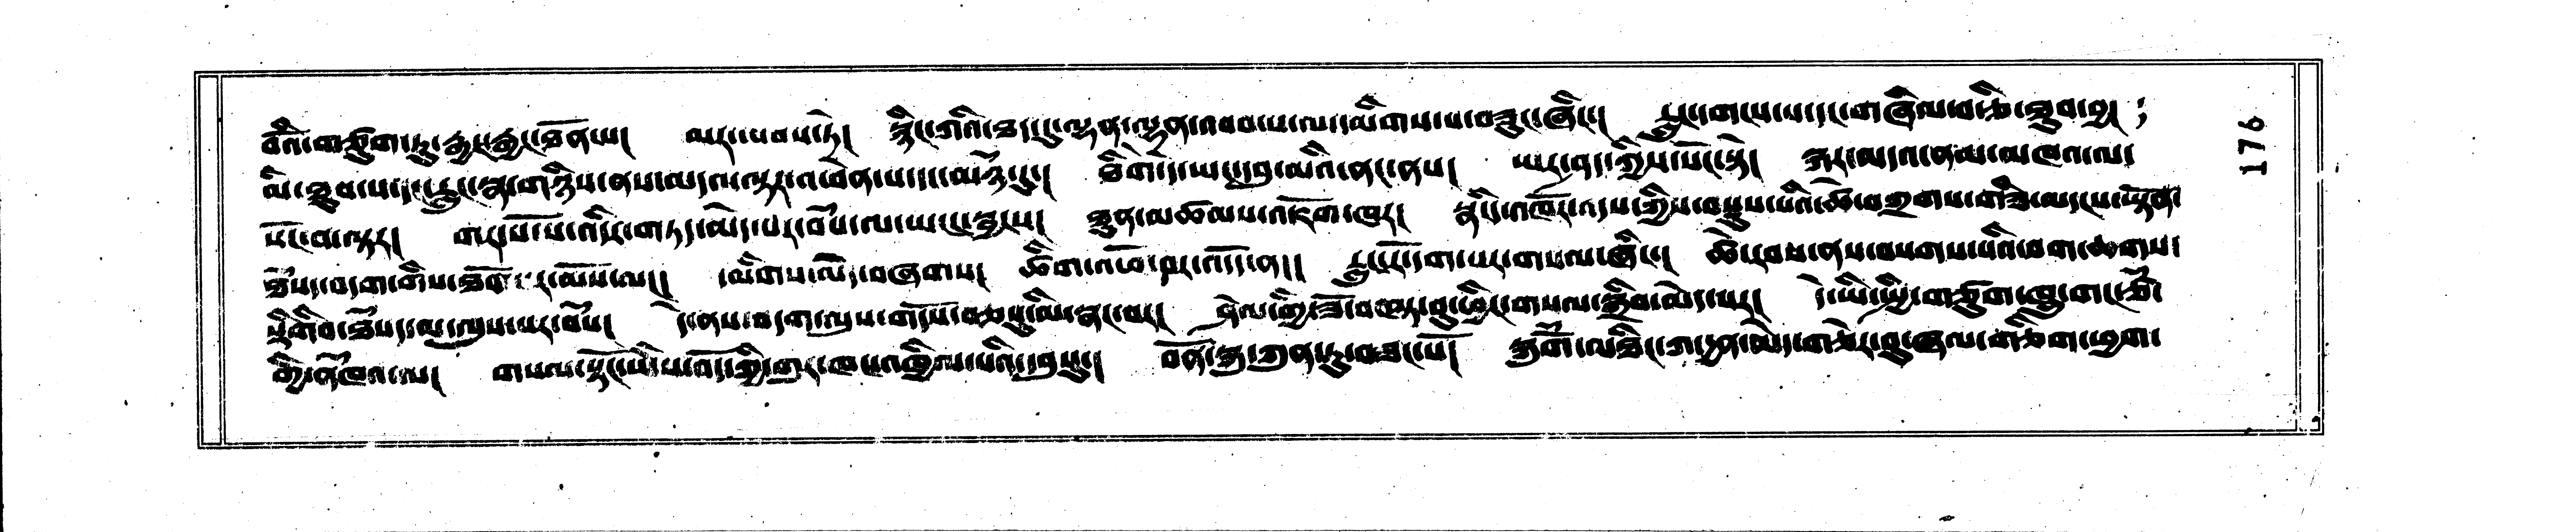བོའི་གཙུག་ཏུ་རྒྱང་རྒྱང་ཐོན་པ། མར་བབས་ཏེ། སྙིང་ཀའི་ཐད་དུ་ལྷན་ལྷན་འབབས་པ་ལ་དམིགས་པ་བཟུང་ཞིང་། རླུང་དགང་བ་དང་གཞིལ་བ་ཅི་ཐུབ་བྱ།
 མི་ཐུབ་པ་དང་རླུང་སྣ་གཉིས་ནས་མདའ་ལྟར་འཕེན་པ་དང་མཉམ་དུ། ཐིག་ལེ་དེ་ཡང་དབུ་མའི་ནང་ནས། ཡར་ཤད་ཀྱིས་སོང་སྟེ། སྐར་མདའ་ནམ་མཁའ་ལ་
སོང་བ་ལྟར། གར་བ་པོ་འདིར་གཏད་མེད་པར་བསམ་ལ་ཡང་ཡང་སྦྱངས། ཐུན་མཚམས་འཇོག་ཁར། སྣང་སྲིད་འཁོར་འདས་ཀྱིས་བསྡུས་པའི་ཚེ་བཀྲག་གཟི་མདངས་ཡོན་
ཏན་ཐམས་ཅད་བདག་གིས་ཐོབ་པར་བསམ་ལ། དེ་ནས་བདག་ལུས་གདོས་བཅས་སུ་མི་སྣང་བར། ཤེལ་གྱི་ཟོ་བ་ལྟ་བུ་ཕྱི་ནང་གསལ་སྒྲིབ་མེད་པར། དེ་ཡི་སྤྱི་གཙུག་ཁྲུ་གང་ཙམ་
གྱི་ནམ་མཁའ་ལ། གསལ་སྟོང་ཡེ་ཤེས་འོད་ཀྱི་གུར་ཁང་འཁྱིལ་བའི་དབུས་སུ། བོན་སྐུ་ཀུན་ཏུ་བཟང་པོ། སྐུ་མདོག་མཐིང་ཀ་རྒྱན་མེད་གཅེར་བུ་ཞལ་གཅིག་ཕྱག་